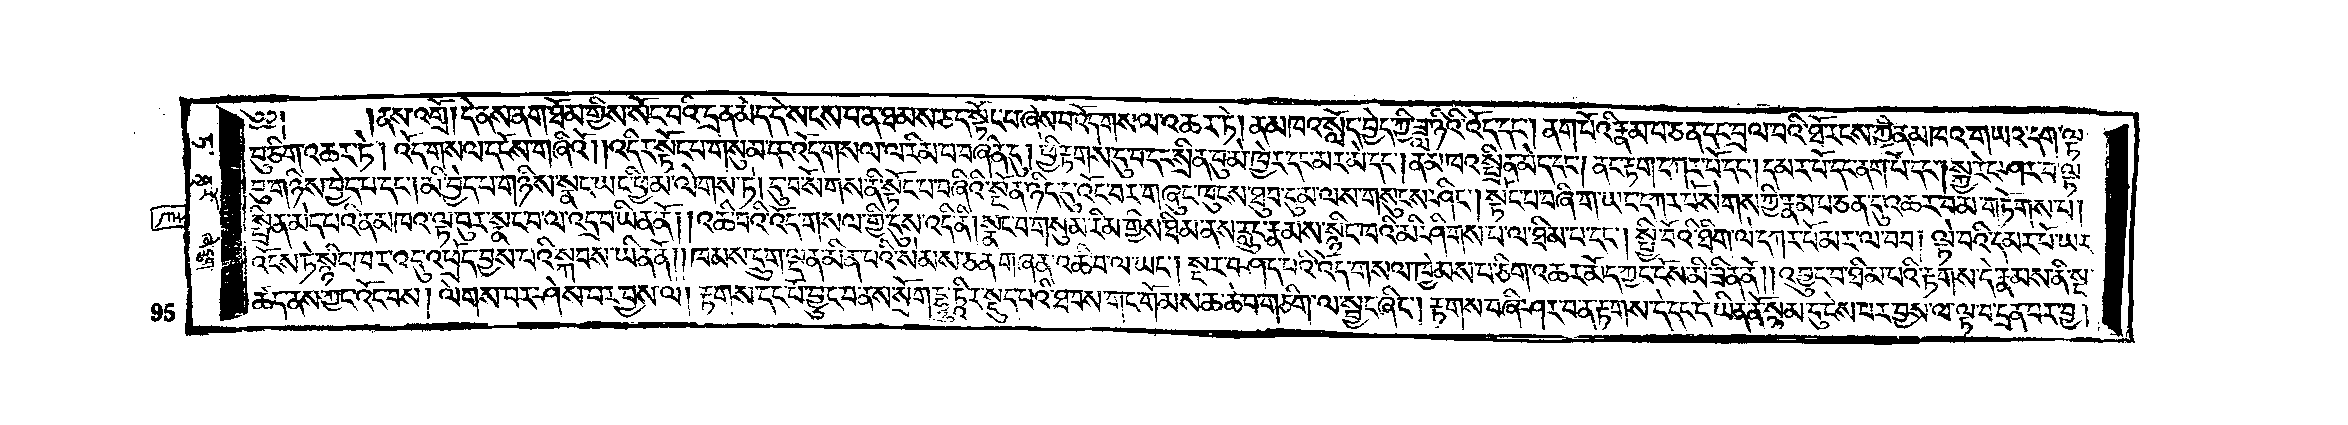༄༅། །ནས་འགྲོ། དེ་ནས་ནག་ཐོམ་གྱིས་སོང་བའི་དྲན་མེད་དེ་སངས་པ་ན་ཐམས་ཅད་སྟོང་པ་ཞེས་པ་འོད་གསལ་འཆར་ཏེ། ནམ་མཁའ་སློད་བྱེད་ཀྱི་ཟླ་ཉིའི་འོད་དང་། ནག་པོའི་རྣམ་པ་ཅན་དང་བྲལ་བའི་ཐོ་རངས་ཀྱི་ནམ་མཁའ་གཡའ་དག་ལྟ་
བུ་ཅིག་འཆར་ཏེ། འོད་གསལ་དངོས་གཞིའོ། །འདིར་སྟོང་པ་གསུམ་དང་འོད་གསལ་ལ་རིམ་པ་བཞིན་དུ། ཕྱི་རྟགས་དུ་བ་དང་སྲིན་བུ་མེ་ཁྱེར་དང་མར་མེ་དང་། ནམ་མཁའ་སྤྲིན་མེད་དང་། ནང་རྟག་དཀར་པོ་དང་། དམར་པོ་དང་ནག་པོ་དང་། སྐྱ་རེང་ཤར་བ་ལྟ་
བུ་གཉིས་བྱེད་པ་དང་། མི་བྱེད་པ་གཉིས་སྣང་ཡང་ཕྱི་མ་ལེགས་ཏེ། དུ་བ་སོགས་ནི་སྟོང་པ་བཞིའི་སྔོན་ཉིད་དུ་འོང་བར་གཞུང་ཁུངས་ཐུབ་ངུ་མ་ལས་གསུངས་ཤིང་། སྟོང་པ་བཞི་ག་ཡང་དཀར་པོ་སེགས་ཀྱི་རྣམ་པ་ཅན་དུ་འཆར་བ་མ་གཏོགས་པ།
སྤྲིན་མེད་པའི་ནམ་མཁའ་ལྟ་བུར་སྣང་བ་ལ་འདྲ་བ་ཡིན་ནོ། །འཆི་བའི་འོད་གསལ་གྱི་དུས་འདི་ནི། སྣང་བ་གསུམ་རིམ་གྱིས་ཐིམ་ནས་རླུང་རྣམས་སྙིང་ཁའི་མི་ཤིགས་པ་ལ་ཐིམ་པ་དང་། སྤྱི་བོའི་ཐིག་ལེ་དཀར་པོ་མར་ལ་བབ། ལྟེ་བའི་དམར་པོ་ཡར་
འོངས་ཏེ་སྙིང་ཁར་འདུ་འཕྲོད་བྱས་པའི་སྐབས་ཡིན་ནོ། །ཁམས་དྲུག་ལྡན་མིན་པའི་སེམས་ཅན་གཞན་འཆི་བ་ལ་ཡང་། སྔར་བཤད་པའི་འོད་གསལ་ཁྱེམས་པ་ཅིག་འཆར་མོད་ཀྱང་ངོས་མི་ཟིན་ནོ། །འབྱུང་བ་ཐིམ་པའི་རྟགས་དེ་རྣམས་ནི་སྔ་
ཚད་ནས་ཀྱང་འོང་བས། ལེགས་པར་ཤེས་པར་བྱས་ལ། རྟགས་དང་པོ་བྱུང་བ་ནས་སྲོག་དྷཱུ་ཏཱིར་སྡུད་པའི་ཐབས་གང་གོམས་ཆ་ཆེ་བ་གཅིག་ལ་སྦྱང་ཞིང་། རྟགས་བཞི་ཤར་བ་ན་རྟགས་དེ་དང་དེ་ཡིན་ནོ་སྙམ་དུ་ངས་པར་བྱས་ལ་ལྟ་བ་དྲན་པར་བྱ།